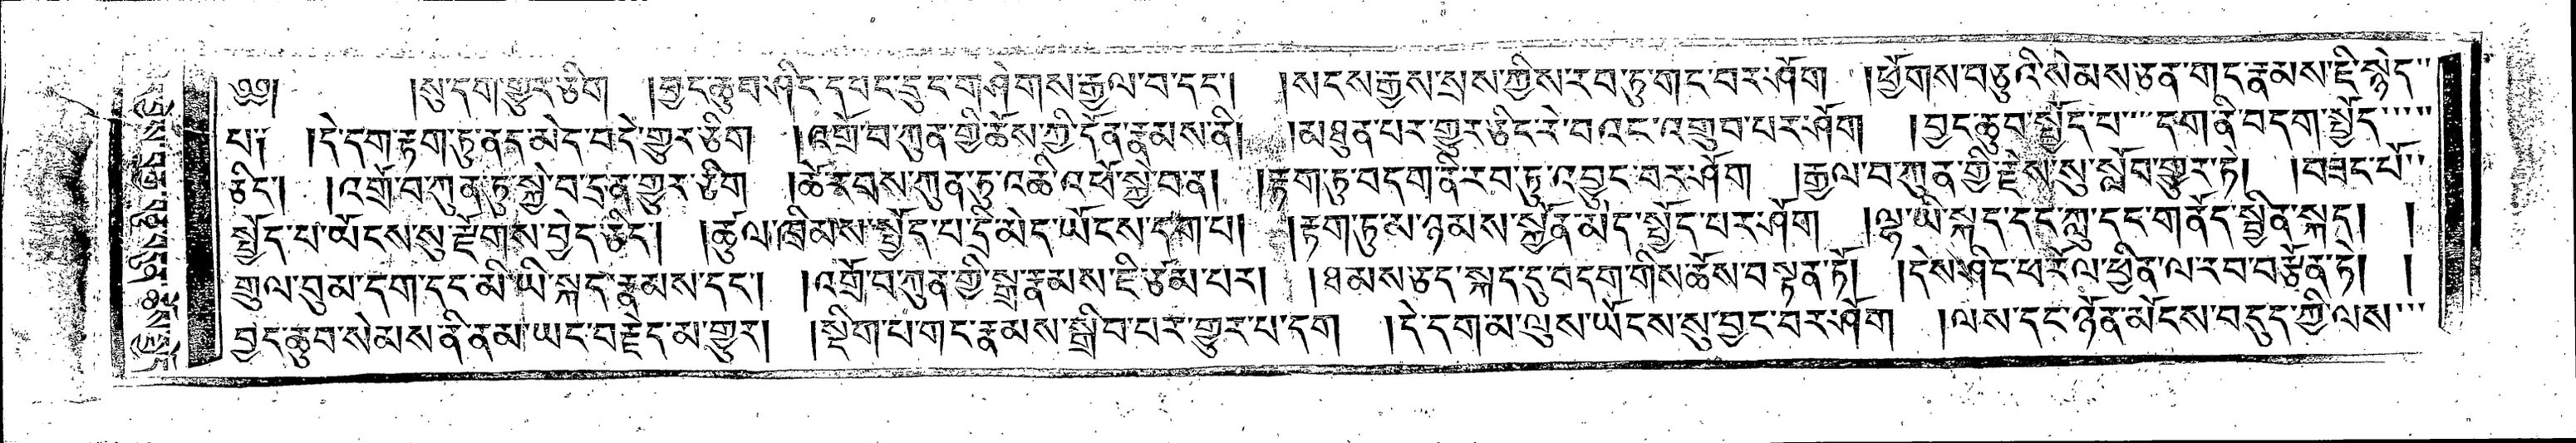༄༅། །སུ་དག་གྱུར་ཅིག །བྱང་ཆུབ་ཤིང་དབང་དྲུང་གཤེགས་རྒྱལ་བ་དང་། །སངས་རྒྱས་སྲས་ཀྱིས་རབ་ཏུ་གང་བར་ཤོག །ཕྱོགས་བཅུའི་སེམས་ཅན་གང་རྣམས་ཇི་སྙེད་
པ༑ །དེ་དག་རྟག་ཏུ་ནད་མེད་བདེ་གྱུར་ཅིག །འགྲོ་བ་ཀུན་གྱི་ཆོས་ཀྱི་དོན་རྣམས་ནི། །མཐུན་པར་གྱུར་ཅིང་རེ་བའང་འགྲུབ་པར་ཤོག །བྱང་ཆུབ་སྤྱོད་པ་དག་ནི་བདག་སྤྱོད་
ཅིང་། །འགྲོ་བ་ཀུན་ཏུ་སྐྱེ་བ་དྲན་གྱུར་ཅིག །ཚེ་རབས་ཀུན་ཏུ་འཆི་འཕོ་སྐྱེ་བ་ན། །རྟག་ཏུ་བདག་ནི་རབ་ཏུ་འབྱུང་བར་ཤོག །རྒྱལ་བ་ཀུན་གྱི་རྗེས་སུ་སློབ་གྱུར་ཏེ། །བཟང་པོ་
སྤྱོད་པ་ཡོངས་སུ་རྫོགས་བྱེད་ཅིང་། །ཚུལ་ཁྲིམས་སྤྱོད་པ་དྲི་མེད་ཡོངས་དག་པ། །རྟག་ཏུ་མ་ཉམས་སྐྱོན་མེད་སྤྱོད་པར་ཤོག །ལྷ་ཡི་སྐད་དང་ཀླུ་དང་གནོད་སྦྱིན་སྐད། །
གྲུལ་བུམ་དག་དང་མི་ཡི་སྐད་རྣམས་དང་། །འགྲོ་བ་ཀུན་གྱི་སྒྲ་རྣམས་ཇི་ཙམ་པར། །ཐམས་ཅད་སྐད་དུ་བདག་གིས་ཆོས་བསྟན་ཏོ། །དེས་ཤིང་ཕ་རོལ་ཕྱིན་ལ་རབ་བརྩོན་ཏེ། །
བྱང་ཆུབ་སེམས་ནི་ནམ་ཡང་བརྗེད་མ་གྱུར། །སྡིག་པ་གང་རྣམས་སྒྲིབ་པར་གྱུར་པ་དག །དེ་དག་མ་ལུས་ཡོངས་སུ་བྱང་བར་ཤོག །ལས་དང་ཉོན་མོངས་བདུད་ཀྱི་ལས་